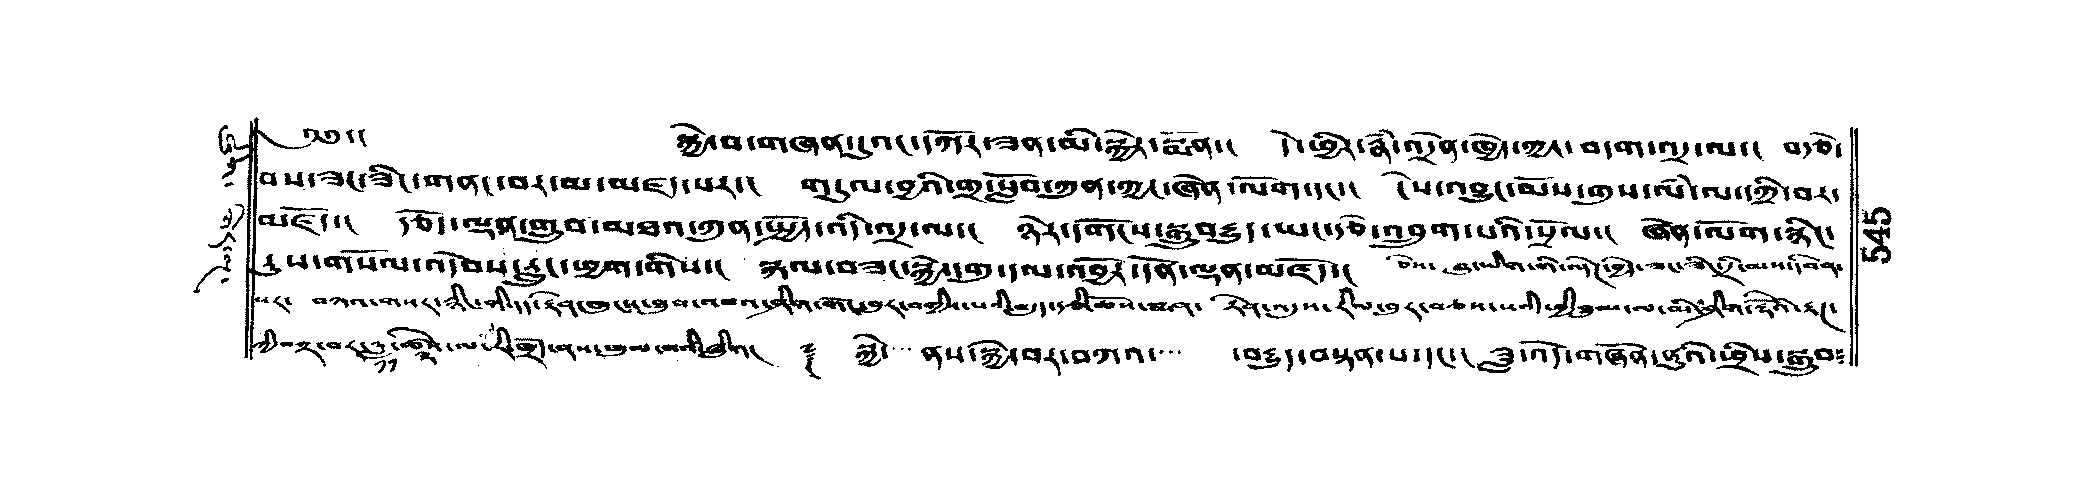།སྐྱེ་བ་གཞན་དུའང་དཀོར་ཟན་མི་སྐྱེར་སྨོན། །དེ་ཕྱིར་རྣམ་འདྲེན་ཁྱེད་ཀྱང་བདག་འདྲ་ལ། །བརྩེ་
བས་ཟང་ཟིང་གནང་བར་མ་མཛད་པར། །གདུལ་བྱའི་གྲྭ་སློབ་ཀུན་ཀྱང་ཞེན་ལོག་དང་། །ངེས་འབྱུང་མོས་གུས་ལམ་ལ་དཀྲི་བར་
མཛོད། །རྩོད་ལྡན་གྲུབ་མཐའ་ཀུན་སྤྱོད་འདི་འདྲ་ལ། །ཉེར་དགོངས་སྒྲུབ་བརྒྱུད་ཡང་རྩེ་འབྲུག་པའི་སྲོལ། །ཞེན་ལོག་སྙིང་
རུས་གསོལ་འདེབས་རླུང་ཕྱག་གིས། །སྐལ་བཟང་སྐྱེ་རྒུའི་དལ་འབྱོར་དོན་ལྡན་མཛོད།།ཅེས་ཞུ་ཡིག་གི་འདེགས་བྱེད་ཟང་ཟིང་དྲི་མས་དབེན་
པར། བཀའ་གསར་རྙིང་གི་དད་རྟེན་ཁུངས་ཐུབ་འབའ་ཤིག་གོང་བུར་བགྱིས་པའི་བདུད་རྩི་ཆོས་སྨན་རྟེན་འདུས་རིལ་བུར་བཅས་པའི་ཕྱི་ཐུམ་ལ་མི་བཤིག་རྡོ་རྗེའི་རྟགས་
ཀྱིས་བཀྲ་བ་ཟླ་བ་བཅུ་གཅིག་པའི་ཚེས་གསུམ་ལ་རི་ཁྲོད་ནས་ཕུལ་བའི་ཞུ་ཡིག།། ༈ སྐྱེ་ནས་སྐྱེ་བར་བཀའ་བརྒྱུད་བསྟན་པ་དང་། །ཟླ་འོད་གཞོན་ནུའི་ཕྲིན་ལས་སྒྲུབ་